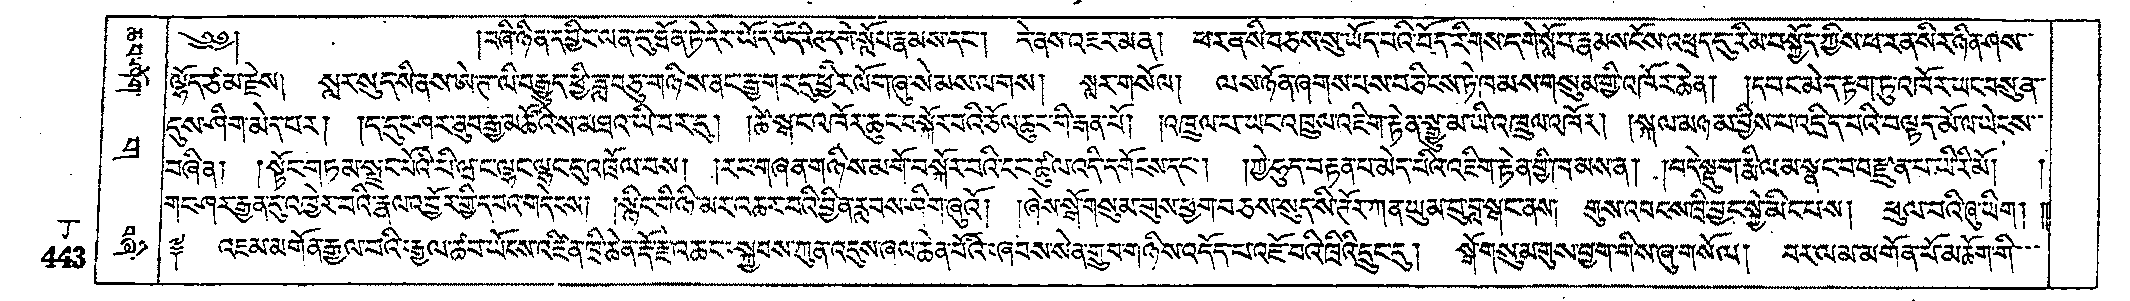༄༅། །བཞི་ཉིན་དབྱིང་ལན་དུ་ཐོན་ཏེ་དེར་ཡོད་བོད་རིཊ་དགེ་སློབ་རྣམས་དང་། དེ་ནས་འཇར་མན། ཕ་རན་སི་བཅས་སུ་ཡོད་པའི་བོད་རིགས་དགེ་སློབ་རྣམས་ངོས་འཕྲད་དུ་རིམ་བསྐྱོད་ཀྱིས་ཕ་རན་སིར་ཉིན་ཤས་་་
ལྷོད་ཙམ་རྗེས། སླར་སུད་སི་ནས་ཨེ་ཊ་ལི་བརྒྱུད་ཕྱི་ཟླ་བཅུ་གཉིས་ནང་རྒྱ་གར་དུ་ཕྱིར་ལོག་ཞུ་སེམས་ལགས། སླར་གསོལ། ལས་ཉོན་ཞགས་པས་བཅིངས་ཏེ་ཁམས་གསུམ་གྱི་འཁོར་ཆེན། །དབང་མེད་རྟག་ཏུ་འཁོར་ཡང་བསུན་་་
དུས་ཤིག་མེད་པར། །ད་དུང་ཤར་ནུབ་རྒྱ་མཚོའི་ས་མཐའ་ཡི་བར་དུ། །ཚེ་སྒང་འཁོར་ཆུང་བསྐོར་བའི་ཅོལ་ཆུང་གི་རྒན་པོ། །འཁྲུལ་པ་ཡང་འཁྲུལ་འཇིག་རྟེན་སྒྱུ་མ་ཡི་འཁྲུལ་འཁོར། །སྐལ་མཉམ་བྱིས་པ་འདྲིད་པའི་བལྟད་མོ་ལ་ཡེངྶ་་་
བཞིན། །སྟོང་གཏམ་སྤྲང་པོའི་པི་ཝང་ལྷང་ལྷང་དུ་འཁྲོལ་བས། །རང་གཞན་གཉིས་མགོ་བསྐོར་བའི་ངང་ཚུལ་འདི་དགོངས་དང་། །ཀྱེ་ཧུད་བརྟན་པ་མེད་པའི་འཇིག་རྟེན་གྱི་ཁམས་ན། །བདེ་སྡུག་རྨི་ལམ་སྣང་བ་བརྫུན་པ་ཡི་རི་མོ། །
གང་ཤར་རྒྱན་དུ་འཁྱེར་བའི་རྣལ་འབྱོར་གྱི་དཔའ་གདེངས། །སྙིང་གི་ཉི་མར་འཆར་བའི་བྱིན་རླབས་ཤིག་ཞུའོ། །ཞེས་སྒོ་གསུམ་གུས་ཕྱག་བཅས་སུད་སི་ཊོར་ཀན་ཡུམ་བུ་བླ་སྒང་ནས། གུས་འབངས་ཁྲི་བྱང་སྐྱེ་མིང་པས། ཕུལ་བའི་ཞུ་ཡིག། །།
འ་འཇམ་མགོན་རྒྱལ་བའི ༧རྒྱལ་ཚབ་ཡོངས་འཛིན་ཁྲི་ཆེན་རྡོ་རྗེ་འཆང ༧སྐྱབས་ཀུན་འདུས་ཞལ་ཆེན་པོའི ༧ཞབས་སེན་གྲུབ་གཉིས་འདོད་པ་འཇོ་བའི་ཁྲིའི་དྲུང་དུ། སྒོ་གསུམ་གུས་ཕྱག་གིས་ཞུ་གསོལ། བར་ལམ་མགོན་པོ་མཆོག་གི་་་